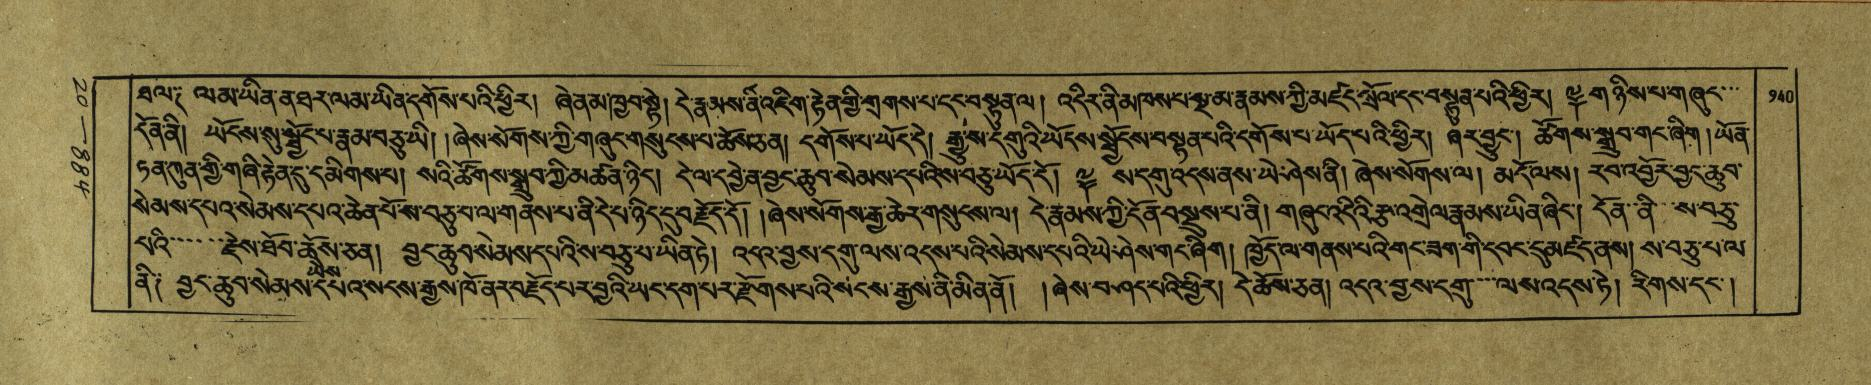ཐལ༑ ལམ་ཡིན་ན་ཐར་ལམ་ཡིན་དགོས་པའི་ཕྱིར། ཞེ་ན་མ་ཁྱབ་སྟེ། དེ་རྣམས་ནི་འཇིག་རྟེན་གྱི་གྲགས་པ་དང་བསྟུན་ལ། འདིར་ནི་མཁས་པ་སྔ་མ་རྣམས་ཀྱི་མཛད་སྲོལ་དང་བསྟུན་པའི་ཕྱིར། ༈ གཉིས་པ་གཞུང་
དོན་ནི། ཡོངས་སུ་སྦྱོང་པ་རྣམ་པ་བཅུ་ཡི། །ཞེས་སོགས་ཀྱི་གཞུང་གསུངས་པ་ཆོས་ཅན། དགོས་པ་ཡོད་དེ། རྒྱུ་ས་དགུའི་ཡོངས་སྦྱོངས་བསྟན་པའི་དགོས་པ་ཡོད་པའི་ཕྱིར། ཞར་བྱུང་། ཚོགས་སྒྲུབ་གང་ཞིག །ཡོན་
ཏན་ཀུན་གྱི་གཞི་རྟེན་དུ་དམིགས་པ། སའི་ཚོགས་སྒྲུབ་ཀྱི་མཚན་ཉིད། དེ་ལ་དབྱེ་ན་བྱང་ཆུབ་སེམས་དཔའི་ས་བཅུ་ཡོད་དོ། ༈ ས་དགུ་འདས་ནས་ཡེ་ཤེས་ནི། ཞེས་སོགས་ལ། མདོ་ལས། རབ་འབྱོར་བྱང་ཆུབ་
སེམས་དཔའ་སེམས་དཔའ་ཆེན་པོ་ས་བཅུ་པ་ལ་གནས་པ་ནི་དེ་པ་ཉིད་དུ་བརྗོད་དོ། །ཞེས་སོགས་རྒྱ་ཆེར་གསུངས་ལ། དེ་རྣམས་ཀྱི་དོན་བསྡུས་པ་ནི། གཞུང་འདིའི་རྩ་འགྲེལ་རྣམས་ཡིན་ཞིང་། དོན་ནི་ས་བཅུ་
པའི་རྗེས་ཐོབ་ཆོས་ཡེས་ཅན། བྱང་ཆུབ་སེམས་དཔའི་ས་བཅུ་པ་ཡིན་ཏེ། འདའ་བྱས་དགུ་ལས་འདས་པའི་སེམས་དཔའ་ཡེ་ཤེས་གང་ཞིག །ཁྱོད་ལ་གནས་པའི་གང་ཟག་གི་དབང་དུ་མཛད་ནས། ས་བཅུ་པ་ལ་
ནི༑ བྱང་ཆུབ་སེམས་དཔའ་སངས་རྒྱས་ཁོ་ནར་བརྗོད་པར་བྱའི་ཡང་དག་པར་རྫོགས་པའི་སངས་རྒྱས་ནི་མིན་ནོ། །ཞེས་བཤད་པའི་ཕྱིར། དེ་ཆོས་ཅན། འདའ་བྱ་ས་དགུ་ལས་འདས་ཏེ། རིགས་དང་།